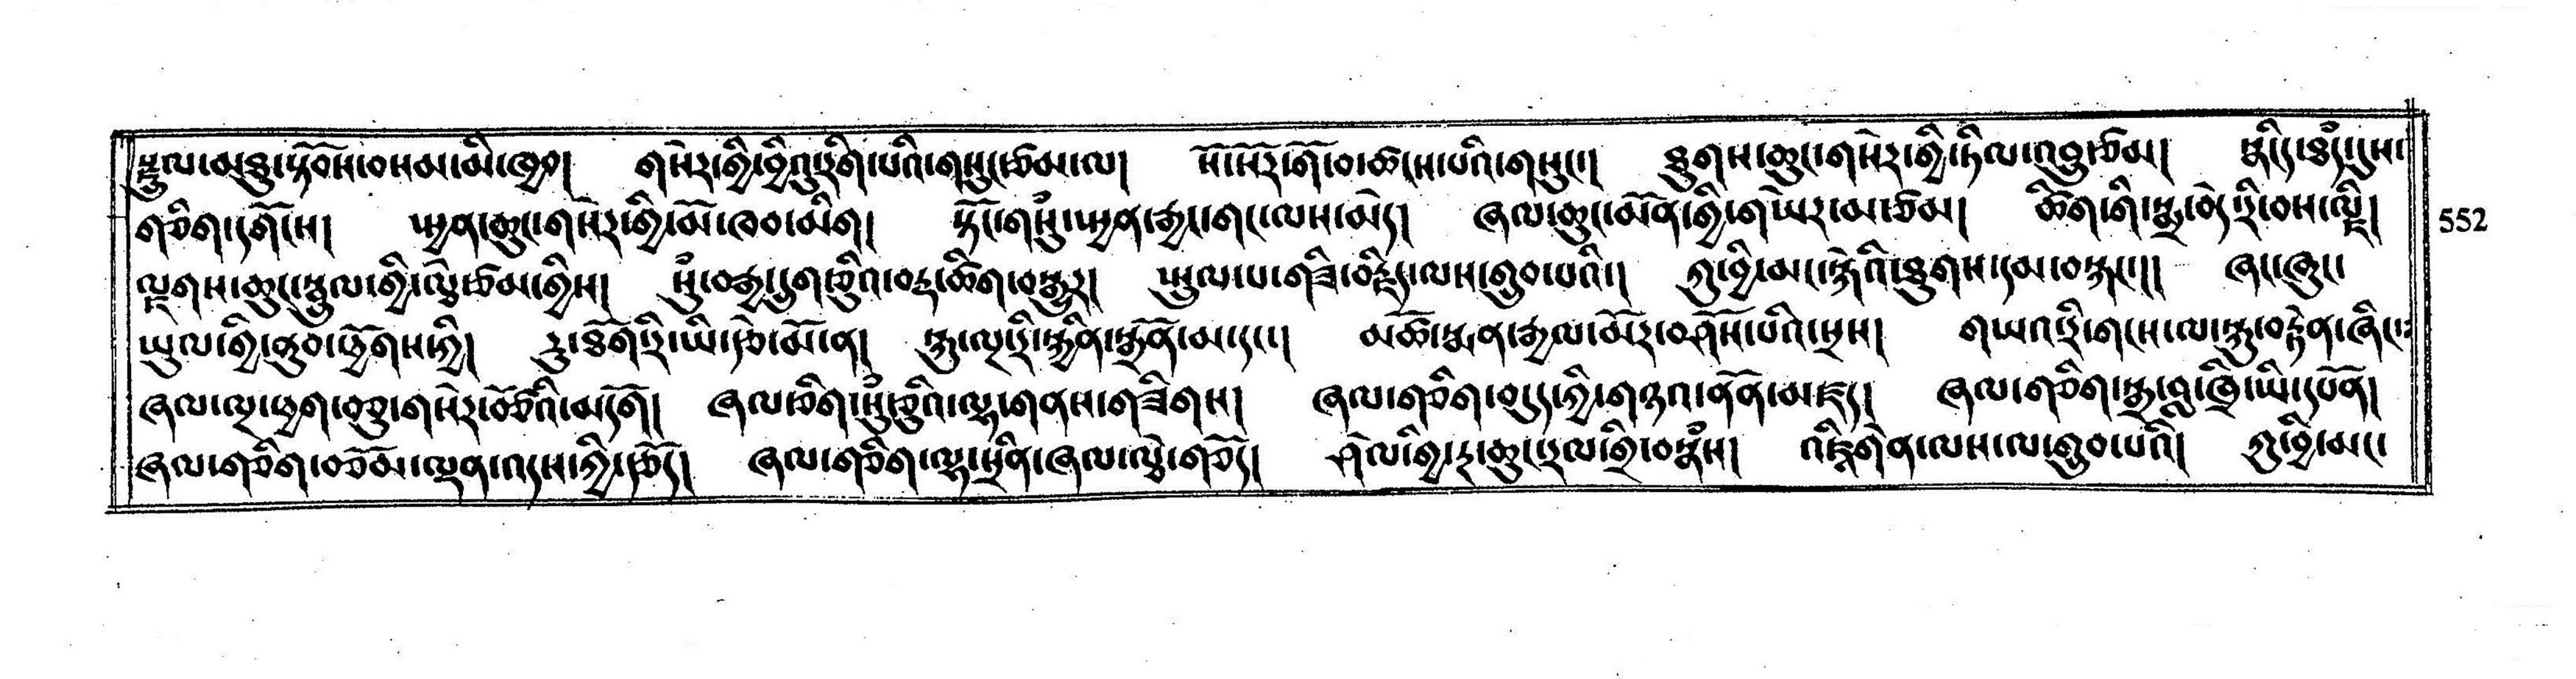རྫུ་འཕྲུལ་མཐུ་སྟོབས་བསམ་མི་ཁྱབ། གསེར་གྱི་བྱིའུ་རིག་པའི་གསུང་ཙམ་ལ། སོ་སོར་གོ་བ་ཚངས་པའི་གསུང་། ཐུགས་ཆུང་གསེར་གྱི་ཏིལ་འབྲུ་ཙམ། སྣང་སྲིད་ཐམས་ཅད་དུས་
གཅིག་དགོངས། སྤྱན་ཆུང་གསེར་གྱི་མོ་ཁབ་མིག སྟོང་གསུམ་སྤྱན་རྒྱང་གང་ལས་མེད། ཞལ་ཆུང་མོན་གྱི་གཡེར་མ་ཙམ། ཚིག་གི་སྨྲ་བདེ་དྲི་བས་ལྗི། 
ལྗགས་ཆུང་སྦྲུལ་གྱི་ལྕེ་ཙམ་གྱིས། སུམ་བརྒྱ་དྲུག་ཅུའི་བརྡ་ཚིག་བསྒྱུར། སྤྲུལ་པ་གཟི་བརྗིད་ལས་གྲུབ་པའི། ཀུ་བྱི་མང་སྐེའི་ཐུགས་དམ་བསྐང་།། ཞང་ཞུང་
ཡུལ་གྱི་ནུབ་ཕྱོགས་ཀྱི། རུ་ཐོག་རི་ཡི་རྩེ་མོ་ན། སྐུ་ལྔ་རི་སྐྱིན་སྒྲོན་མ་དང་། མཚོ་སྨན་རྒྱལ་མོར་བཤོས་པའི་སྲས། གཡའ་རི་གངས་ལ་སྐུ་བརྟེན་ཞིང་
ཞལ་ལྔ་ཕྱག་བཅུ་གསེར་བཙོའི་མདོག ཞལ་ཅིག་སུམ་ཅུའི་ལྷ་གནས་གཟིགས། ཞལ་གཅིག་བདུད་ཀྱི་གཉའ་ནོན་མཛད། ཞལ་གཅིག་སྒྲ་བླ་ཁྲི་ཡི་དཔོན། 
ཞལ་གཅིག་བཅོམ་ལྡན་འདས་ཀྱིས་རྩོད། ཞལ་གཅིག་ལྷ་སྲིན་ཞལ་ལྕེ་གཅོད། ཤེལ་གྱི་རྔ་ཆུང་རལ་གྲི་བསྣམས། འཇིག་རྟེན་ལས་ལ་གྲུབ་པའི། ཀུ་བྱི་མང་